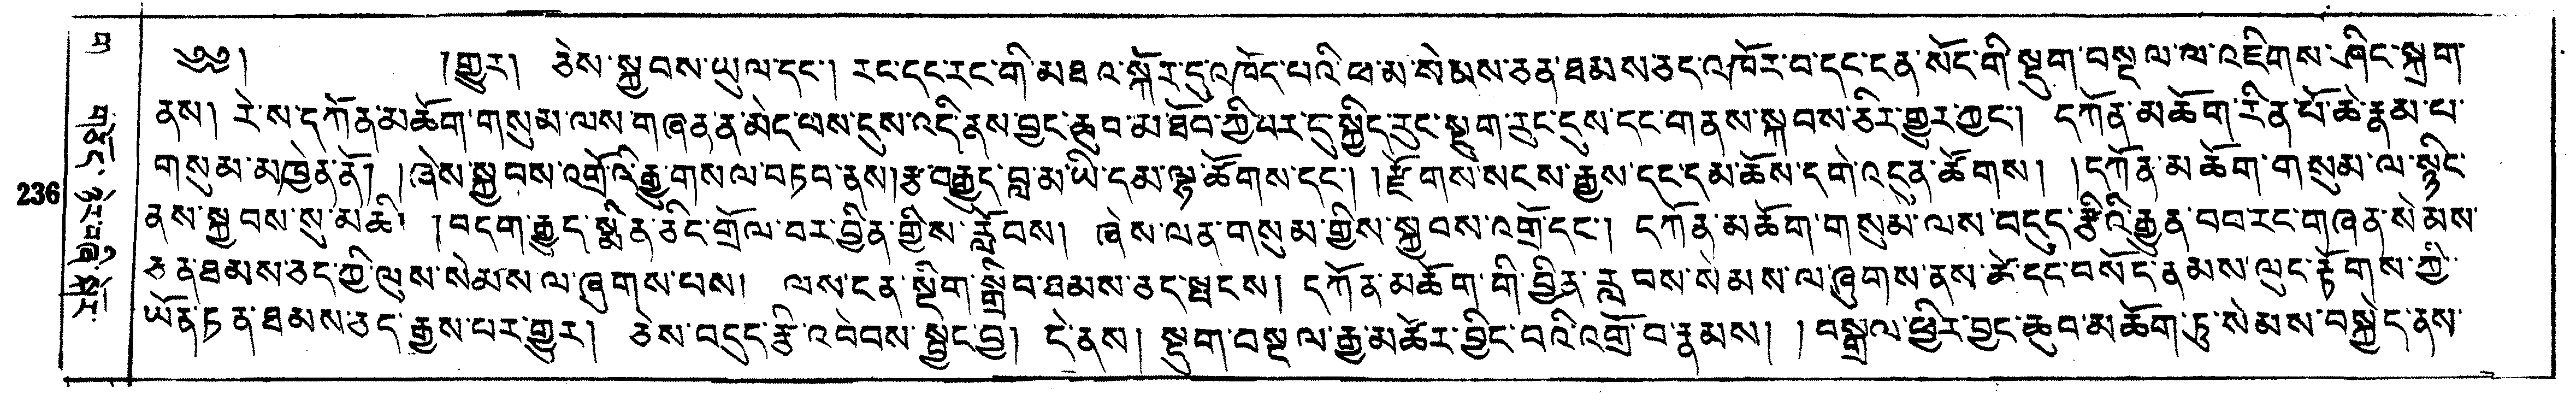༄༅། །གྱུར། ཅེས་སྐྱབས་ཡུལ་དང་། རང་དང་རང་གི་མཐའ་སྐོར་དུ་འཁོད་པའི་ཕ་མ་སེམས་ཅན་ཐམས་ཅད་འཁོར་བ་དང་ངན་སོང་གི་སྡུག་བསྔལ་ལ་འཇིགས་ཤིང་སྐྲག་
ནས། རེ་ས་དཀོན་མཆོག་གསུམ་ལས་གཞན་ན་མེད་པས་དུས་འདི་ནས་བྱང་ཆུབ་མ་ཐོབ་ཀྱི་བར་དུ་སྐྱིད་རུང་སྡུག་རུང་དུས་དང་གནས་སྐབས་ཅིར་གྱུར་ཀྱང་། དཀོན་མཆོག་རིན་པོ་ཆེ་རྣམ་པ་
གསུམ་མཁྱེན་ནོ། །ཞེས་སྐྱབས་འགྲོའི་རྒྱུ་གསལ་བཏབ་ནས། རྩ་བརྒྱུད་བླ་མ་ཡི་དམ་ལྷ་ཚོགས་དང་། །རྫོགས་སངས་རྒྱས་དང་དམ་ཆོས་དགེ་འདུན་ཚོགས། །དཀོན་མཆོག་གསུམ་ལ་སྙིང་
ནས་སྐྱབས་སུ་མཆི། །བདག་རྒྱུད་སྨིན་ཅིང་གྲོལ་བར་བྱིན་གྱིས་རློབས། ཞེས་ལན་གསུམ་གྱིས་སྐྱབས་འགྲོ་དང་། དཀོན་མཆོག་གསུམ་ལས་བདུད་རྩིའི་རྒྱུན་བབ་རང་གཞན་སེམས་
ཅན་ཐམས་ཅད་ཀྱི་ལུས་སེམས་ལ་ཞུགས་པས། ལས་ངན་སྡིག་སྒྲིབ་ཐམས་ཅད་སྤངས། དཀོན་མཆོག་གི་བྱིན་རླབས་སེམས་ལ་ཞུགས་ནས་ཚེ་དང་བསོད་ནམས་ལུང་རྟོགས་ཀྱི་
ཡོན་ཏན་ཐམས་ཅད་རྒྱས་པར་གྱུར། ཅེས་བདུད་རྩི་འབེབས་སྦྱང་བྱ། དེ་ནས། སྡུག་བསྔལ་རྒྱ་མཚོར་བྱིང་བའི་འགྲོ་བ་རྣམས། །བསྒྲལ་ཕྱིར་བྱང་ཆུབ་མཆོག་ཏུ་སེམས་བསྐྱེད་ནས་